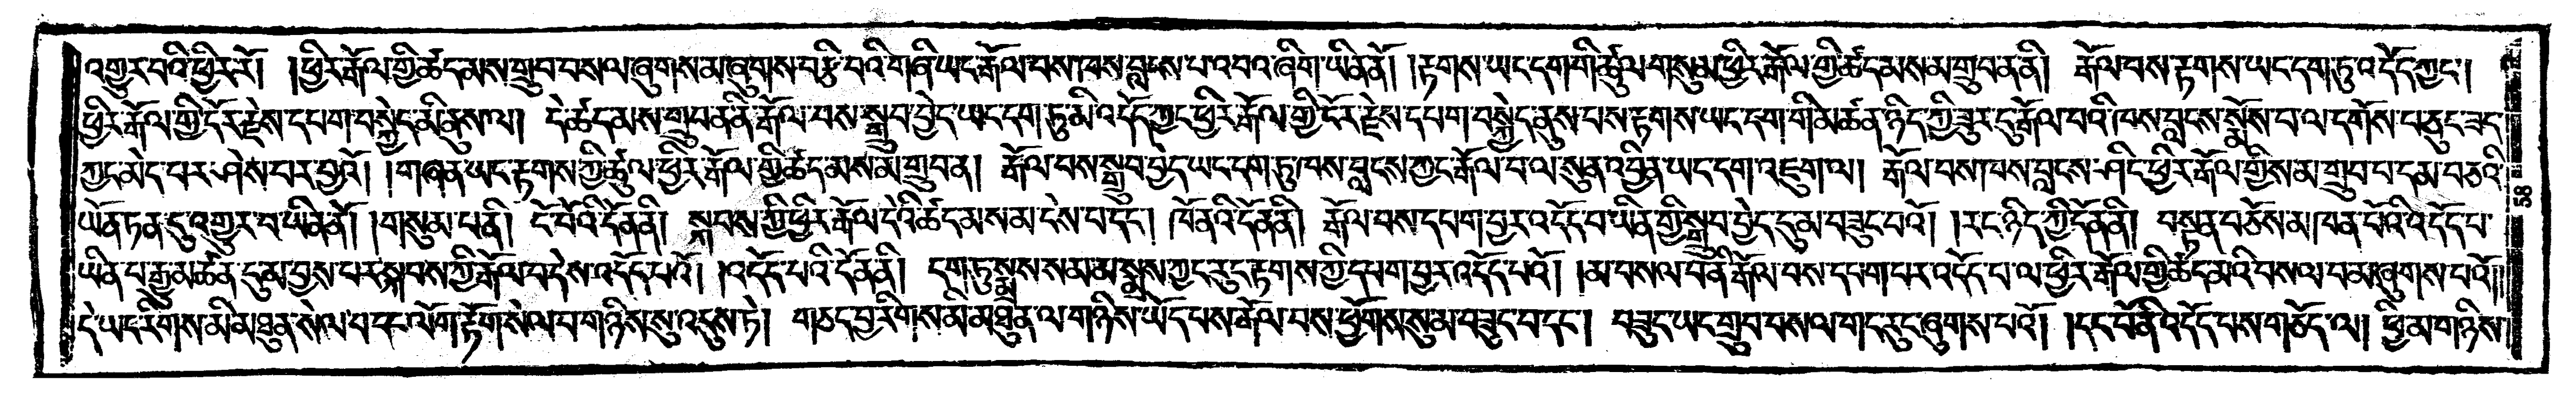འགྱུར་བའི་ཕྱིར་རོ། །ཕྱིར་རྒོལ་གྱི་ཚད་མས་གྲུབ་བསལ་ཞུགས་མ་ཞུགས་བརྩི་བའི་གཞི་ཡང་རྒོལ་བས་ཁས་བླངས་པ་འབའ་ཞིག་ཡིན་ནོ། །རྟགས་ཡང་དག་གི་ཚུལ་གསུམ་ཕྱིར་རྒོལ་གྱི་ཚད་མས་མ་གྲུབ་ན་ནི། རྒོལ་བས་རྟགས་ཡང་དག་ཏུ་འདོད་ཀྱང་།
ཕྱིར་རྒོལ་གྱི་དོར་རྗེས་དཔག་བསྐྱེད་མི་ནུས་ལ། དེ་ཚད་མས་གྲུབ་ན་ནི་རྒོལ་བས་སྒྲུབ་བྱེད་ཡང་དག་ཏུ་མི་འདོད་ཀྱང་ཕྱིར་རྒོལ་གྱི་ངོར་རྗེས་དཔག་བསྐྱེད་ནུས་པས་རྟགས་ཡང་དག་གི་མཚན་ཉིད་ཀྱི་ཟུར་དུ་རྒོལ་བའི་ཁས་བླངས་སྨོས་པ་ལ་དགོས་པ་ཅུང་ཟད་
ཀྱང་མེད་པར་ཤེས་པར་བྱའོ། །གཞན་ཡང་རྟགས་ཀྱི་ཚུལ་ཕྱིར་རྒོལ་གྱི་ཚད་མས་མ་གྲུབ་ན། རྒོལ་བས་སྒྲུབ་བྱེད་ཡང་དག་ཏུ་ཁས་བླངས་ཀྱང་རྒོལ་བ་ལ་སུན་འབྱིན་ཡང་དག་འཇུག་ལ། རྒོལ་བས་ཁས་བླངས་ཤིང་ཕྱིར་རྒོལ་གྱིས་མ་གྲུབ་པ་དམ་བཅའི་
ཡོན་ཏན་དུ་འགྱུར་བ་ཡིན་ནོ། །གསུམ་པ་ནི། ངོ་བོའི་དོན་ནི། སྐབས་ཀྱི་ཕྱིར་རྒོལ་དེའི་ཚད་མས་མ་ངེས་པ་དང་། ཁོ་ནའི་དོན་ནི། རྒོལ་བས་དཔག་བྱར་འདོད་པ་ཡིན་གྱི་སྒྲུབ་བྱེད་དུ་མ་བཟུང་བའོ། །རང་ཉིད་ཀྱི་དོན་ནི། བསྟན་བཅོས་མཁན་པོའི་འདོད་པ་
ཡིན་པ་རྒྱུ་མཚན་དུ་མ་བྱས་པར་སྐབས་ཀྱི་རྒོལ་བ་དེས་འདོད་པའོ། །འདོད་པའི་དོན་ནི། དག་ཏུ་སྨྲས་སམ་མ་སྨྲས་ཀྱང་རུང་རྟགས་ཀྱི་དཔག་བྱར་འདོད་པའོ། །མ་བསལ་བ་ནི་རྒོལ་བས་དཔག་པར་འདོད་པ་ལ་ཕྱིར་རྒོལ་གྱི་ཚད་མའི་བསལ་བ་མ་ཞུགས་པའོ།།
དེ་ཡང་རིགས་མི་མཐུན་སེལ་བ་དང་ལོག་རྟོག་སེལ་བ་གཉིས་སུ་འདུས་ཏེ། གཅད་བྱ་རིགས་མི་མཐུན་ལ་གཉིས་ཡོད་པས་རྒོལ་བས་ཕྱོགས་སུམ་བཟུང་བ་དང་། བཟུང་ཡང་གྲུབ་བསལ་གང་རུང་ཞུགས་པའོ། །དང་པོ་ནི་འདོད་པས་གཅོད་ལ། ཕྱི་མ་གཉིས་